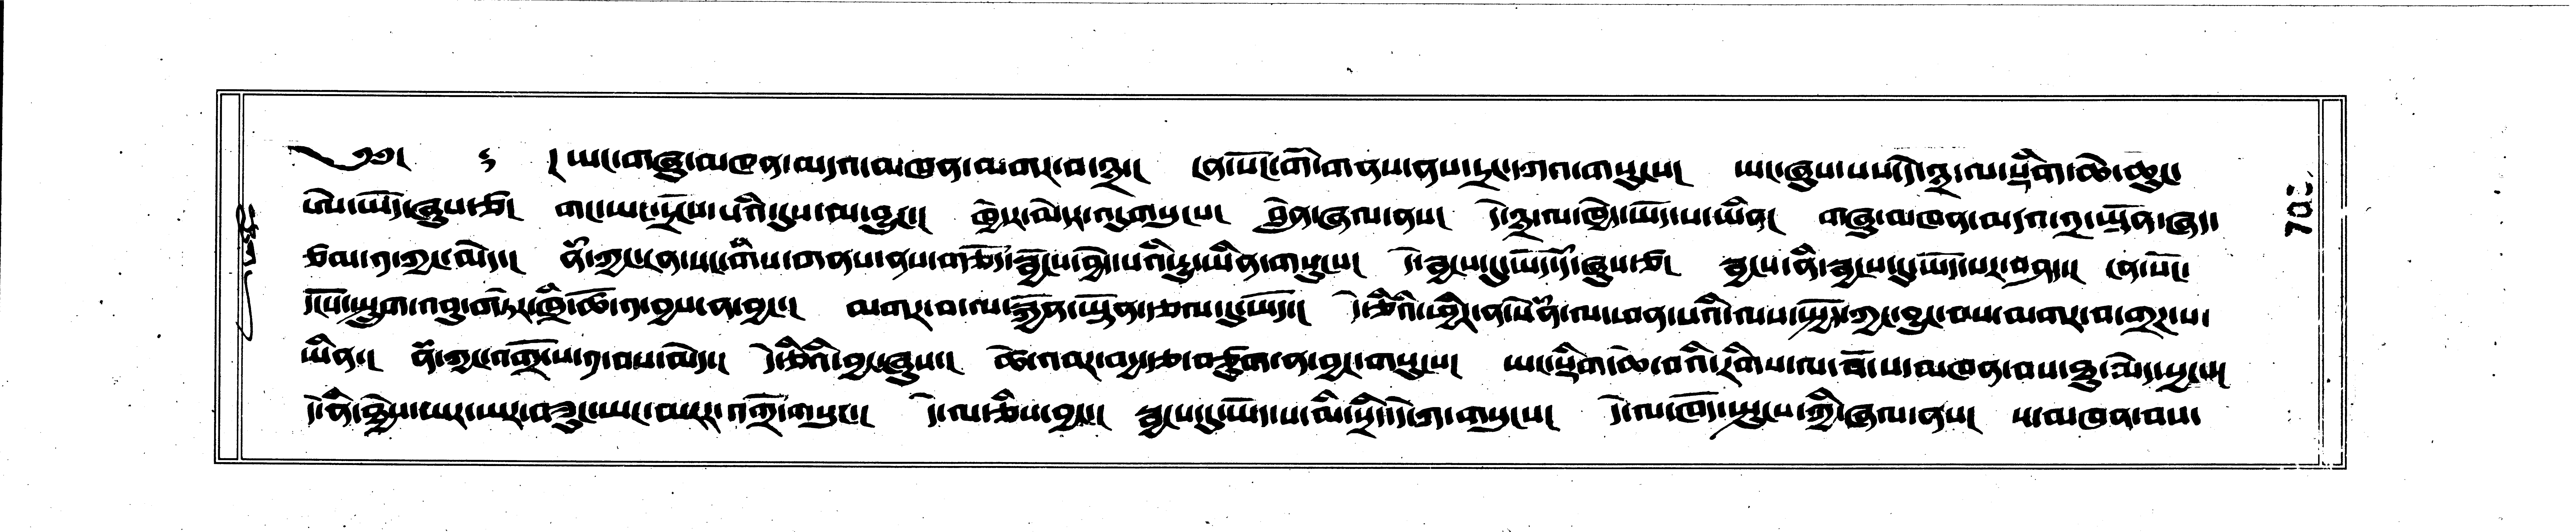ཡང་གཞུ་མཁན་མདའ་མཁན་མགར་བ་གསུམ། ངན་སོང་གནས་ནས་བདག་གིས་དྲངས་དཀའ་གསུངས། བདག་གིས་དེ་གསུམ་ལ་གང་གིས་དྲངས་དཀའ། སྡིག་ཆེ་ཆུང་
ཨེ་ཡོད་ཞུས་ཙ།། གང་ཡང་དྲོངས་དུ་མ་བྱུང་གསུངས། ཁྱད་མེད་པར་འདུག་གསུངས། དེ་ལ་བླ་ཆེན་གྱིས་ཞལ་ནས་དེ་གསུམ་ལ་ཡང་ཁྱད་ཡོད་པར་འདུག་གསུངས། གཞུ་མཁན་མདའ་མཁན་གཉིས་ལ་ཡོན་ཏན་ཞད་
ཙམ་ཡང་མེད། ནམ་ཀྱང་༼ཡང་༽ངན་སོང་གིས་གནས་ནས་གཅོད་སྦྱོང་བྱེད་པའི་རྒྱུ་ཡིན་གསུངས། དེ་ལ་སྦྱང་རྒྱུ་ཡོད་དམ་ཞུས་ཙ། སྦྱང་ན་སྦྱང་རྒྱུ་ཡོད་པར་བཤད། ངན་སོང་
དོང་སྤྲུགས་ལ་འབུམ་ཚོ་ཁྲི་ལ་འདས་པ་གཅིག་བྱས་ན་བྱང་གསུངས། མགར་བ་ལ་སྐྱོན་ལ་ཡོན་ཏན་བརྩལ་རྒྱུ་ཡོད་པས། དེ་ཅིའི་ཕྱིར་ཞེ་ན་སེམས་ཅན་ཕན་པའི་ལས་སྤྱོད་ཀྱང་འབྱུང་། དེ་ནི་མགར་བ་དྲག་པ་
ཡིན། ནམ་ཀྱང་༼ཡང་༽འགྲོ་ས་གཅིག་བས་མེད། དེ་ཅིས་བྱང་ཞུས་ཙ།། ཚེ་འབར་བརྒྱ་རྩ་བཙུག་ན་བྱང་གསུངས། ཡང་སྡིག་པ་ཆེ་བའི་རིགས་གཅིག་ལ། ས་མཁན་བེས་ཐུ་